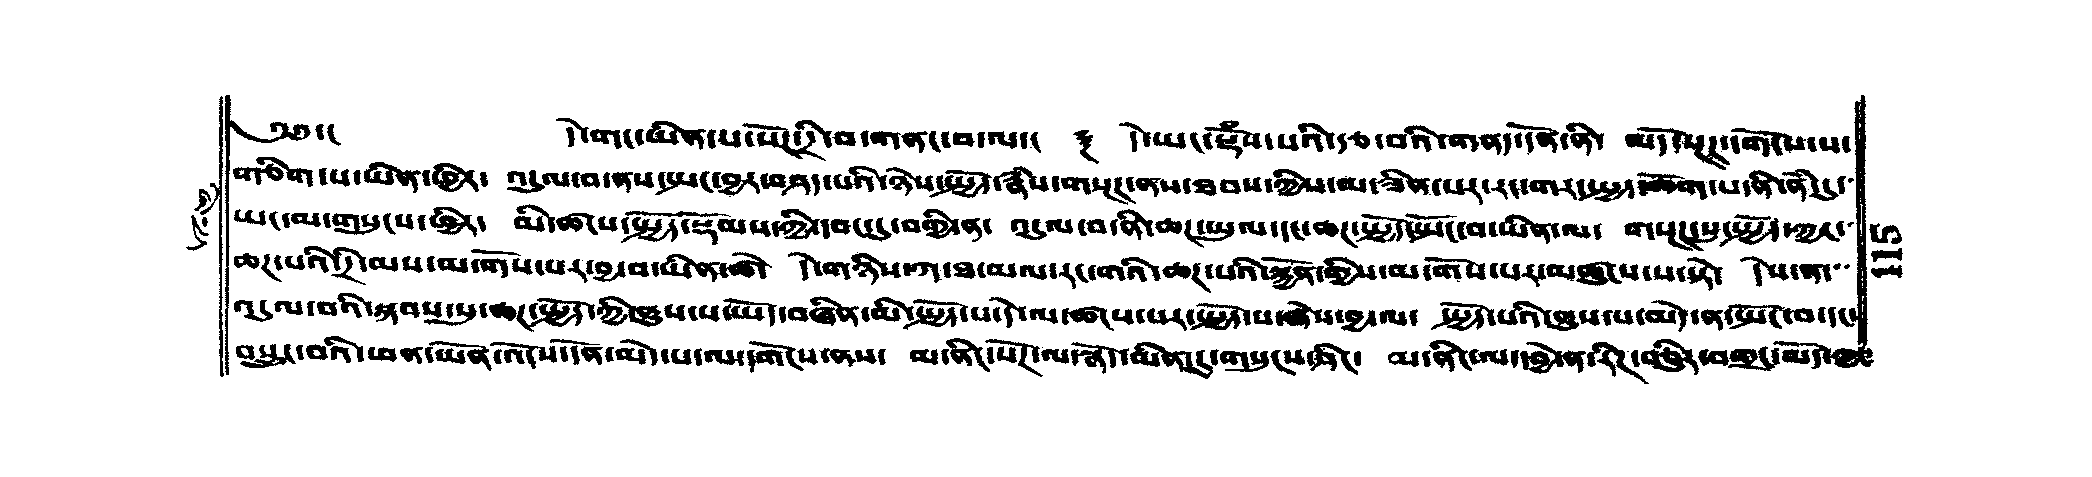དེ་གང་ཡིན་པ་སོགས་དྲི་བ་གནང་བ་ལ། དེ་ཡང་སྡོམ་པའི་རྩ་བའི་གནད་དོན་ནི། མདོ་སྔགས་དགོངས་པ་
གཅིག་པ་ཡིན་ཕྱིར།འདུལ་བ་ནས་སྤང་བྱར་བཤད་པའི་ཉེས་སྤྱོད་རྣམས་གསང་སྔགས་ནས་ཐབས་ཀྱིས་མ་ཟིན་པར་རང་གར་སྤྱད་ཆོག་པ་ནི་ནམ་དུ་
ཡང་མ་གསུངས་ཕྱིར། མི་ཚངས་སྤྱོད་སྡོམ་གྱི་དབང་དུ་བགྱི་ན། འདུལ་བ་ནི་ཆགས་ཡུལ་དང་ཆགས་སྤྱོད་སྤོང་བ་ཡིན་ལ། གསང་སྔགས་སུ་སྤྱོད་ཀྱང་
ཆགས་པའི་དྲི་མས་མ་གོས་པར་བྱ་བ་ཡིན་ཚེ། དེ་གཉིས་ཀ་ཐ་མལ་རང་གའི་ཆགས་པའི་སྐྱོན་གྱིས་མ་གོས་པར་མཚུངས་པ་སྟེ། དེས་ན་
འདུལ་བའི་སྐབས་སུ་ཆགས་སྤྱོད་ཀྱི་ནུས་པ་ཡོད་བཞིན་མི་སྤྱོད་པ་དེ་ལ་ཚངས་པར་སྤྱོད་པ་ཞེས་བྱ་ལ། སྤྱོད་པའི་ནུས་པ་མེད་ན་སྤོང་བ་དང་
བསྲུང་བའི་ཕན་ཡོན་འོང་དོན་མེད་པ་ལ་དགོངས་ནས། མ་ནིང་སོགས་ལ་སྣོད་མིན་དུ་གསུངས་ཤིང་། མ་ནིང་ལ་དབྱེ་ན་རིགས་བཅུ་བཞིར་བགྲངས་མོད་ཀྱང་